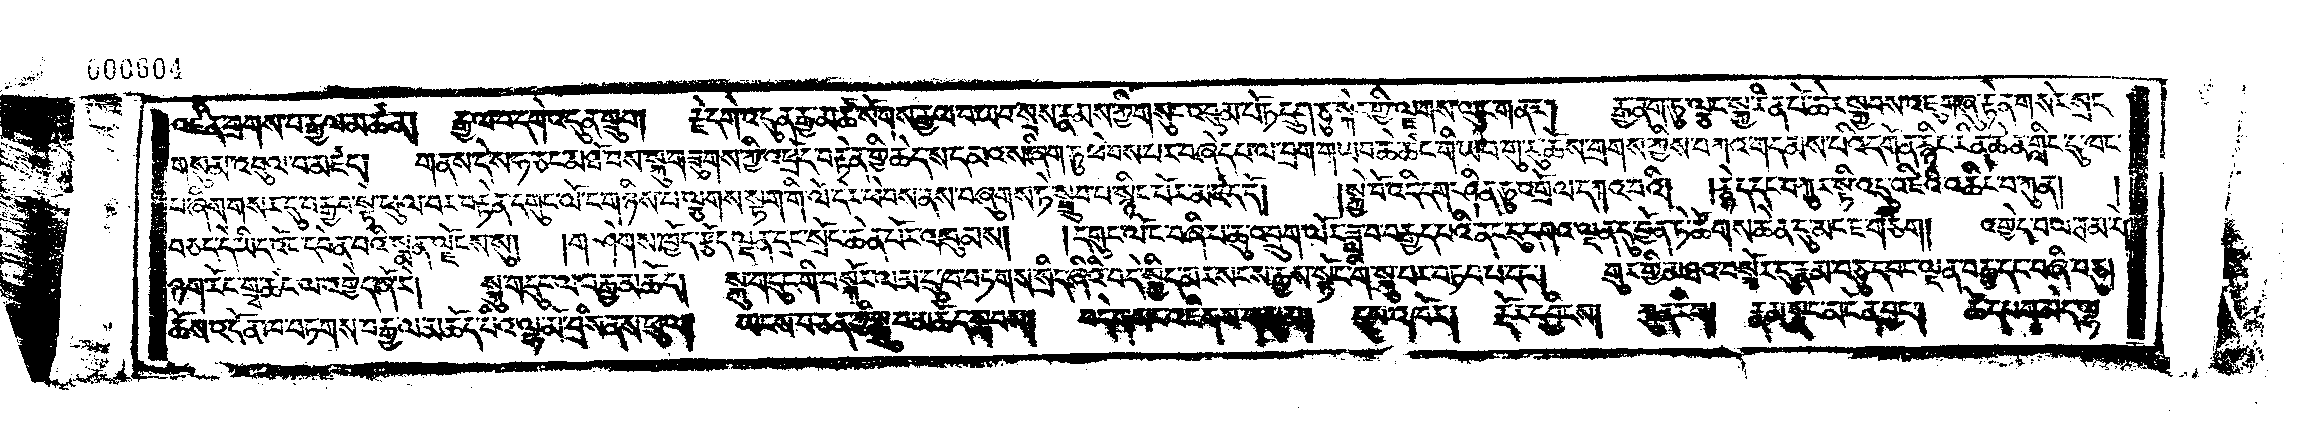འཛིན་གྲགས་བ་རྒྱལ་མཚན། རྒྱལ་བ་དགེ་འདུན་གྲུབ། རྗེ་དགེ་འདུན་རྒྱ་མཚོ་སོགས་རྒྱལ་བ་ཡབ་སྲས་རྣམས་ཀྱི་གསུང་འབུམ་པོཏ་དྲུག་ཅུ་སྐེར་གྱི་ལྗགས་ལུང་གནང་། རྒྱ་ནག་ཏུ་ལྕང་སྐྱ་རིན་པོ་ཆེར་སྐྱབས་འཇུག་ཞུ་རྟེན་གསེར་སྲད་
གསུམ་འབུལ་བ་མཛད། གནས་དེས་ཧ་ཅང་མཐོ་བས་སྐུ་གཟུགས་ཀྱི་འཕྲོད་བརྟེན་གྱི་ཆེད་ས་དམའ་ས་ཞིག་ཏུ་ཕེབས་པར་བཞེད་པ་ལ་བྲག་གཡབ་ཆེ་ཚང་གི་ཡབ་གུ་རུ་ཆོས་གྲགས་ཀྱིས་བཀའ་གདམས་པའི་དགོན་རྙིང་རིན་ཆེན་གླིང་དུ་ཁང་
པ་ཞིག་གསར་དུ་བརྒྱབ་སྟེ་ཕུལ་བར་བརྟེན་དགུང་ལོ་ང་གཉིས་པ་ལྕགས་སྟག་གི་ལོ་དེར་ཕེབས་ནས་བཞུགས་ཏེ་སྒྲུབ་པ་སྙིང་པོར་མཛད་དོ། །སྐྱེ་བོ་འདི་དག་ཤིན་ཏུ་འགྲོལ་དཀའ་བའི། །རྙེད་དང་བཀུར་སྟི་འདུ་འཇིའི་འཆིང་བ་ཀུན། །
བཅད་དེ་ཡིད་འོང་དབེན་བའི་སྨན་ལྗོངས་སུ། །གཤེགས་ཁྱོད་རྩོད་ལྡན་དྲང་སྲོང་ཆེན་པོར་འཁུམས། །དགུང་ལོ་ང་བཞི་པ་ཆུ་འབྲུག་ལོར་ཟླ་བ་བརྒྱད་བའི་ནང་དུ་དཀའ་ལྡན་དུ་བྱོན་ཏེ་ཚོགས་ཆེན་དུ་མང་ཇ་གཅིག། འགྱེད་བ་ལ་ཊམ་རེ་
ཉག་རོང་གྲྭ་ཚང་ལ་འགྱེད་ཞོ་རེ། སྐུ་གདུང་ལ་བརྒྱ་མཆོད། སྐུ་གདུང་གི་བསྐོར་ལམ་དུ་ཁ་བཏགས་སྲིད་ཞིའི་བདེ་སྐྱིད་མར་སངས་རྒྱས་སྟོང་གི་སྐུ་བར་བཏབ་པ་དང་། གུར་གྱི་མཐའ་བསྐོར་དུ་རྣམ་བཅུ་དབང་ལྡན་བརྒྱ་དང་བཞི་བཅུ།
ཆོས་འདོན་ཁ་བཏགས་བརྒྱ་ལ་མཆོད་པའི་ལྷ་མོ་བྲིས་ནས་ཕུལ། ཡངས་བ་ཅན་གྱི་སྒྲུབ་མཆོད་སྐབས། བདེ་གསང་འཇིགས་གསུམ། དུས་འཁོར། རྡོར་དབྱིངས། ཀུན་རིག། རྣམ་སྣང་མངོན་བྱང་། ཚེ་དཔག་མེད་ལྷ་